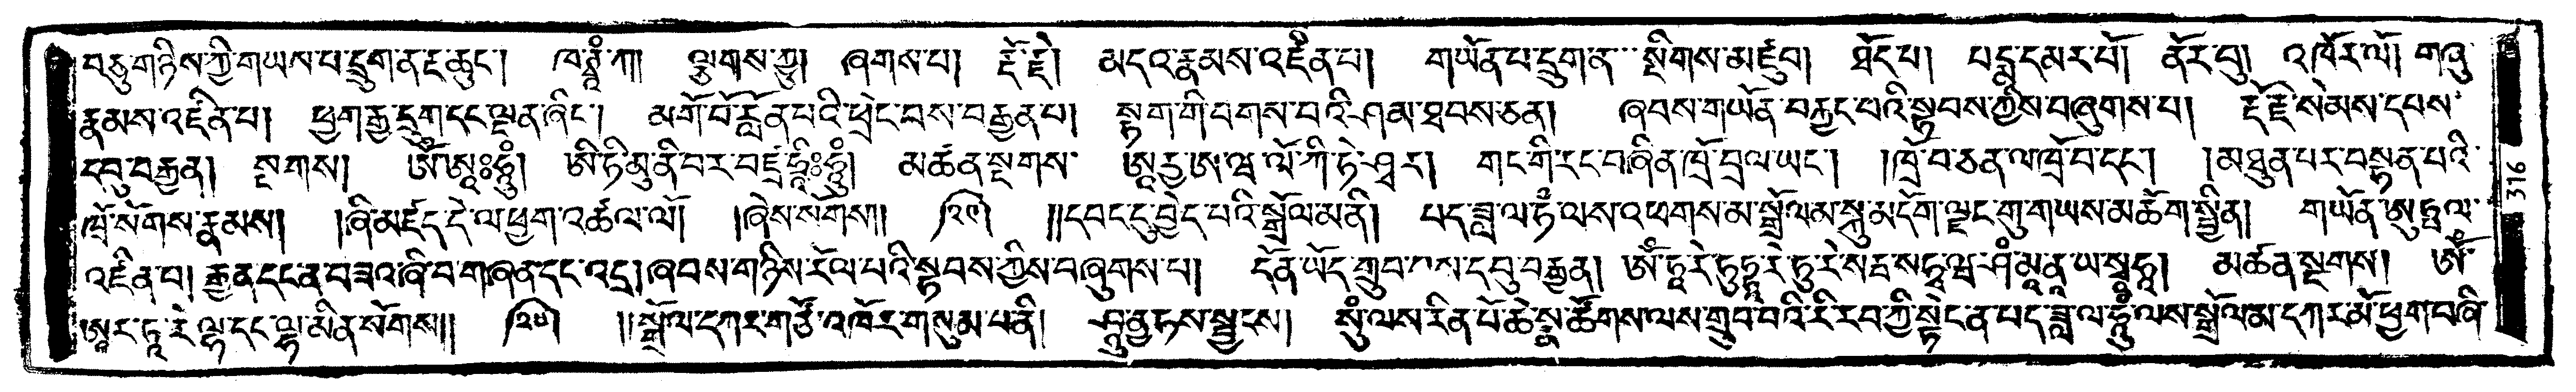བཅུ་གཉིས་ཀྱི་གཡས་པ་དྲུག་ན་རྔ་ཆུང་། ཁ་ཊྭཱཾ་ཀ། ལྕགས་ཀྱུ། ཞགས་པ། རྡོ་རྗེ། མདའ་རྣམས་འཛིན་པ། གཡོན་པ་དྲུག་ན་སྡིགས་མཛུབ། ཐོད་པ། པདམ་དམར་པོ། ནོར་བུ། འཁོར་ལོ། གཞུ་
རྣམས་འཛིན་པ། ཕྱག་རྒྱ་དྲུག་དང་ལྡན་ཞིང་། མགོ་བོ་རློན་པའི་ཕྲེང་བས་བརྒྱན་པ། སྟག་གི་བགས་པའི་ཤམ་ཐབས་ཅན། ཞབས་གཡོན་བརྐྱང་བའི་སྟབས་ཀྱིས་བཞུགས་པ། རྡོ་རྗེ་སེམས་དཔས་
དབུ་བརྒྱན། སྔགས། ཨོཾ་ཨཱཿཧཱུཾ། ཨི་ཏི་མུ་ནི་བར་བཛྲ་ཧྲཱིཿཧཱུཾ། མཚན་སྔགས་ཨཱརྱ་ཨ་ཝ་ལོ་ཀི་ཏེ་ཤྭར། གང་གི་རང་བཞིན་ཁྲོ་བྲལ་ཡང་། །ཁྲོ་བ་ཅན་ལ་ཁྲོ་བ་དང་། །མཐུན་པར་བསྟན་པའི་
ཁྲོ་སོགས་རྣམས། །ཞི་མཛད་དེ་ལ་ཕྱག་འཚལ་ལོ། །ཞེས་སོགས།། ༢༤?་།།དབང་དུ་བྱེད་པའི་སྒྲོལ་མ་ནི། པད་ཟླ་ལ་ཧཾ?་ལས་འཕགས་མ་སྒྲོལ་མ་སྐུ་མདོག་ལྗང་གུ་གཡས་མཆོག་སྦྱིན། གཡོན་ཨུཏྤལ་
འཛིན་པ། རྒྱན་དང་ན་བཟའ་ཞི་བ་གཞན་དང་འདྲ། ཞབས་གཉིས་རོལ་པའི་སྟབས་ཀྱིས་བཞུགས་པ། དོན་ཡོད་གྲུབ་པས་དབུ་བརྒྱན། ཨོཾ་ཏཱ་རེ་ཏུཏྟཱ་རེ་ཏུ་རེ་སརྦ་སཏྭ་ཝ་ཤཾ་མཱ་ནཱ་ཡ་སྭཱཧཱ། མཚན་སྔགས། ཨོཾ་
ཨཱར་ཏཱ་རེ་ལྷ་དང་ལྷ་མིན་སོགས།། ༢༥?་།།སྒྲོལ་དཀར་གཙོ་འཁོར་གསུམ་པ་ནི། ཤཱུ་ནྱ་ཏས་སྦྱངས། སུཾ་ལས་རིན་པོ་ཆེ་སྣ་ཚོགས་ལས་གྲུབ་པའི་རི་རབ་ཀྱི་སྟེང་ན་པད་ཟླ་ལ་ཧཱུཾ་ལས་སྒྲོལ་མ་དཀར་མོ་ཕྱག་བཞི་